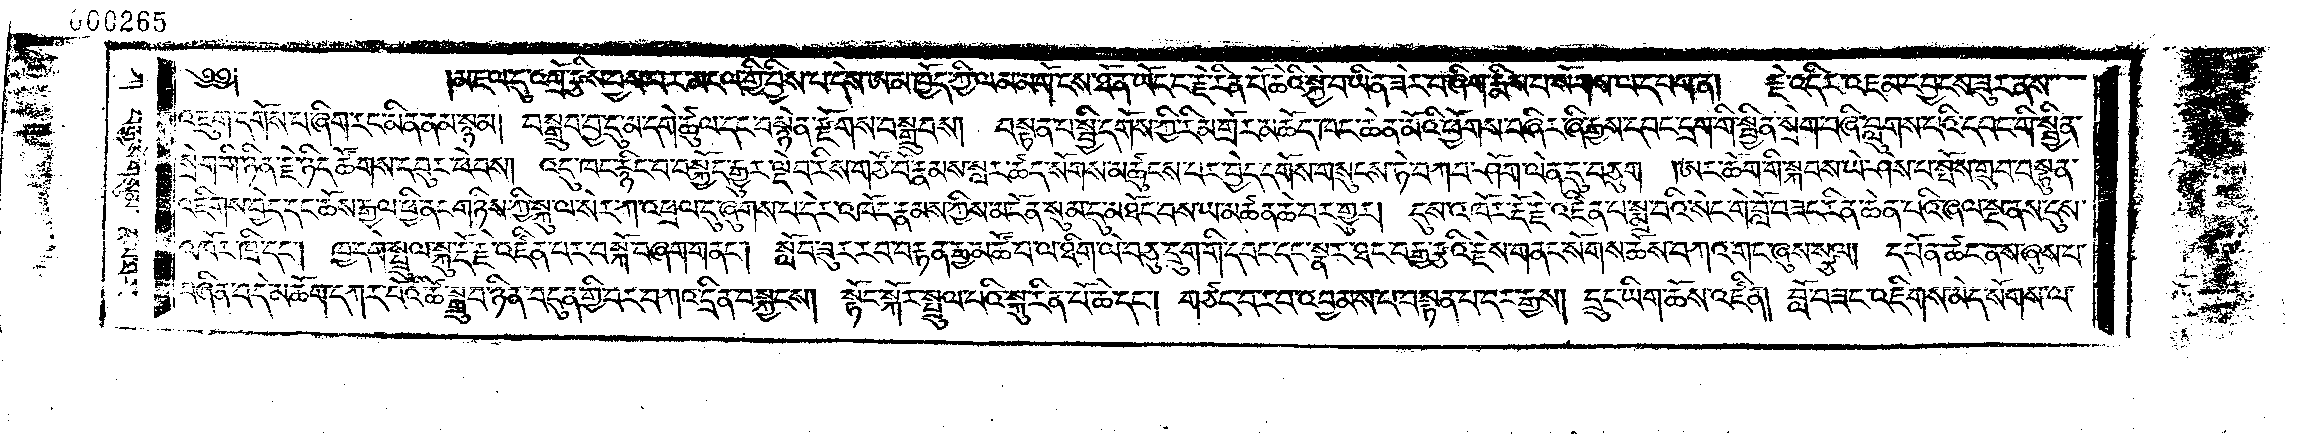༄༅། །མཇལ་དུ་འགྲོ་རྩིས་བྱས་པར་མངལ་གྱི་བྱིས་པ་དེས་ཨ་མ་ཁྱོད་ཀྱི་ལམ་མགོ་ངས་ཐོན་ཡོང་ང་རྗེ་རིན་པོ་ཆེའི་སྐྱེ་བ་ཡིན་ཟེར་བ་ཞིག་རྨིས་པ་སོགས་ལ་དཔག་ན། རྗེ་འདིར་འཇམ་དབྱངས་ཟུར་ནས་
འཇུག་དགོས་པ་ཞིག་རང་མིན་ནམ་སྙམ། བསྒྲུབ་བྱ་དུ་མ་དགེ་ཚུལ་དང་བསྙེན་རྫོགས་བསྒྲུབས། བསྟན་པ་སྤྱི་དགོས་ཀྱི་རིམ་གྲོར་མཆོད་ཁང་ཆེན་མོའི་ཕྱོགས་བཞིར་ཞི་རྒྱས་དབང་དྲག་གི་སྦྱིན་སྲེག་བཞི་བླུགས་པའི་དབང་གི་སྦྱིན་
སྲེག་གི་ཉིན་རྗེ་ཉིད་ཚོགས་དབུར་ཕེབས། འདུ་ཁང་རྙིང་བ་བསྐྱོང་རྒྱུར་ལྡེབ་རིས་གཙོ་བོ་རྣམས་སླར་ཚད་སོགས་མཚུངས་པར་བྱེད་དགོས་གསུངས་ཏེ་བཀབ་ཤོག་ལེན་དུ་བཅུག །ཨར་ཆོག་གི་སྐབས་ཡེ་ཤེས་པ་སྤོས་གྲུབ་བསྟུན་
འཇིགས་བྱེད་དང་ཆོས་རྒྱལ་ཕྱི་ནང་གཉིས་ཀྱི་སྐུ་ལ་སེར་ཀ་འཕྲལ་དུ་ཞུགས་པ་དེར་འཁོད་རྣམས་ཀྱིས་མངོན་སུམ་དུ་མཐོང་བས་ཡ་མཚན་ཆེ་བར་གྱུར། དུས་འཁོར་རྡོ་རྗེ་འཛིན་པ་སྨྲ་བའི་སེང་གེ་བློ་བཟང་རིན་ཆེན་པའི་ཞལ་སྔ་ནས་དུས་
འཁོར་ཁྲི་དང་། ཁྱ་དགེ་སྤྲུལ་སྐུ་རྡོ་རྗེ་འཛིན་པར་བསྐོ་བཞག་གནང་། སློབ་ཟུར་རབ་བརྟན་རྒྱ་མཚོ་པ་ལ་ཐིག་ལེ་བཅུ་དྲུག་གི་དབང་དང་སྣར་ཐང་བརྒྱ་རྩའི་རྗེས་གནང་སོགས་ཆོས་བཀའ་གང་ཞུས་སྩལ། དཔོན་ཚང་ནས་ཞུས་པ་
བཞིན་བདེ་མཆོག་དཀར་པོའི་ཚེ་སྒྲུབ་ཉིན་བདུན་གྱི་བར་བཀའ་དྲིན་བསྐྱངས། སྟོང་སྐོར་སྤྲུལ་པའི་སྐུ་རིན་པོ་ཆེ་དང་། གཙང་བ་རབ་འབྱམས་པ་བསྟན་པ་དར་རྒྱས། དྲུང་ཡིག་ཆོས་འཛིན། བློ་བཟང་འཇིགས་མེད་སོགས་ལ་